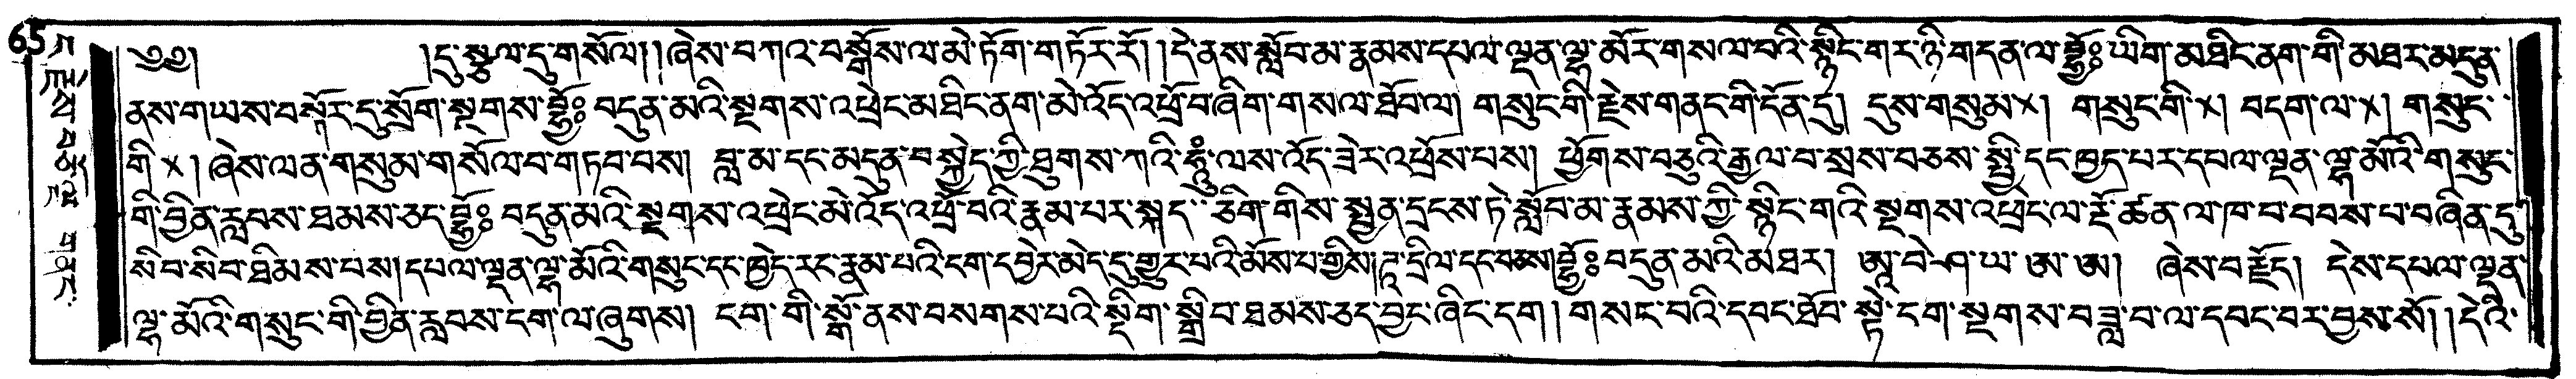༄༅། །དུ་སྩལ་དུ་གསོལ། །ཞེས་བཀའ་བསྒོས་ལ་མེ་ཏོག་གཏོར་རོ། །དེ་ནས་སློབ་མ་རྣམས་དཔལ་ལྡན་ལྷ་མོར་གསལ་བའི་སྙིང་གར་ཉི་གདན་ལ་བྷྱོཿ ཡིག་མཐིང་ནག་གི་མཐར་མདུན་
ནས་གཡས་བསྐོར་དུ་སྲོག་སྔགས་བྷྱོཿ བདུན་མའི་སྔགས་འཕྲེང་མཐིང་ནག་མེ་འོད་འཕྲོ་བ་ཞིག་གསལ་ཐོབ་ལ། གསུང་གི་རྗེས་གནང་གི་དོན་དུ། དུས་གསུམ་+། གསུང་གི་+། བདག་ལ། གསུང་
གི། ཞེས་ལན་གསུམ་གསོལ་བ་གཏབ་པས། བླ་མ་དང་མདུན་བསྐྱེད་ཀྱི་ཐུགས་ཀའི་ཧཱུཾ་ལས་འོད་ཟེར་འཕྲོས་པས། ཕྱོགས་བཅུའི་རྒྱལ་བ་སྲས་བཅས་སྤྱི་དང་ཁྱད་པར་དཔལ་ལྡན་ལྷ་མོའི་གསུང་
གི་བྱིན་རླབས་ཐམས་ཅད་བྷྱོཿ བདུན་མའི་སྔགས་འཕྲེང་མེ་འོད་འཕྲོ་བའི་རྣམ་པར་སྐད་ཅིག་གིས་སྤྱན་དྲངས་ཏེ་སློབ་མ་རྣམས་ཀྱི་སྙིང་གའི་སྔགས་འཕྲེང་ལ་རྡོ་ཚན་ལ་ཁ་བ་བབས་པ་བཞིན་དུ་
སིབ་སིབ་ཐིམས་པས། དཔལ་ལྡན་ལྷ་མོའི་གསུང་དང་ཁྱེད་རང་རྣམ་པའི་ངག་དབྱེར་མེད་དུ་གྱུར་པའི་མོས་པ་གྱིས། ཌཱ་དྲིལ་དང་བཅས། བྷྱོཿ བདུན་མའི་མཐར། ཨཱ་བེ་ཤ་ཡ་ཨ་ཨ། ཞེས་བརྗོད། དེས་དཔལ་ལྡན་
ལྷ་མོའི་གསུང་གི་བྱིན་རླབས་ངག་ལ་ཞུགས། ངག་གི་སྒོ་ནས་བསགས་པའི་སྡིག་སྒྲིབ་ཐམས་ཅད་བྱང་ཞིང་དག །གསང་བའི་དབང་ཐོབ་སྟེ་ངག་སྔགས་བཟླ་བ་ལ་དབང་བར་བྱས་སོ། །དེའི་